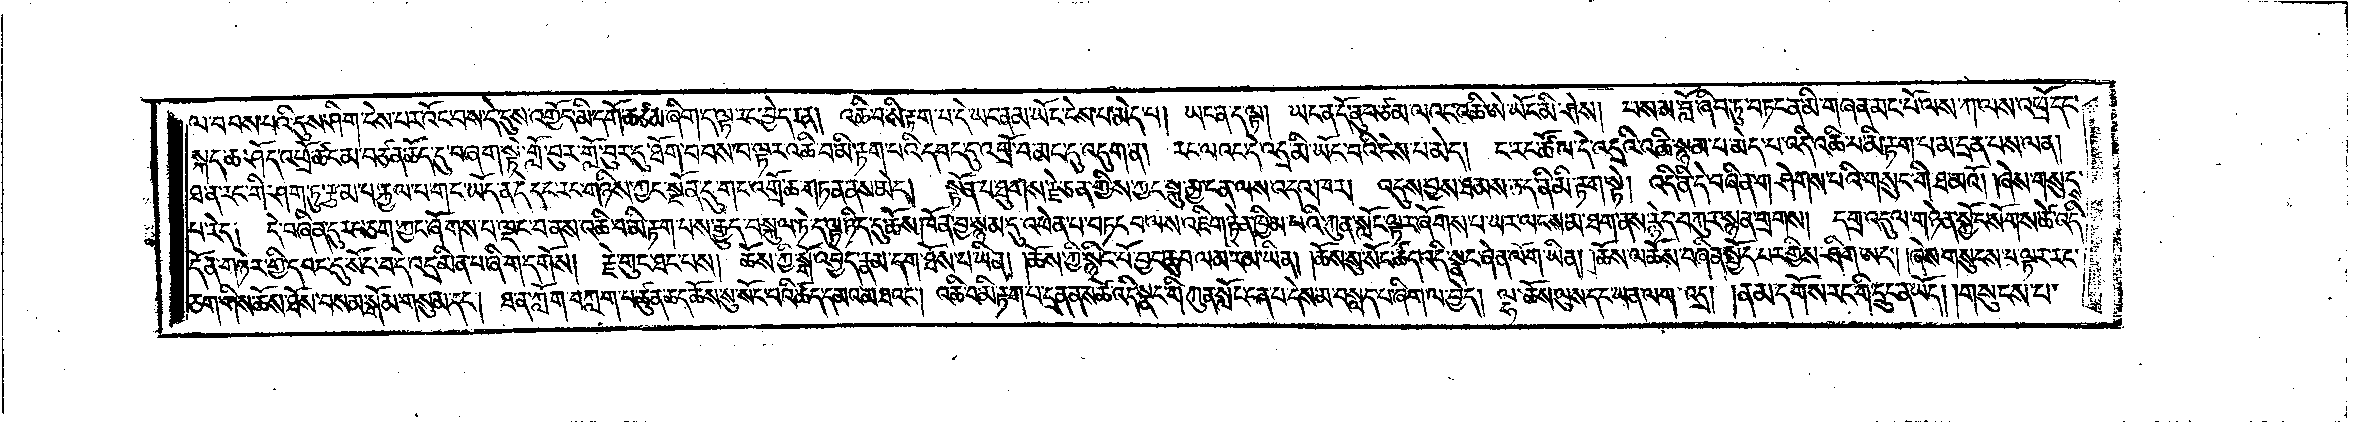ལ་བབས་པའི་དུས་ཤིག་ངེས་པར་འོང་བས་དེ་དུས་འགྱོད་མི་དགོས་ཙམ་ཞིག་ད་ལྟ་རང་བྱེད་རན། འཆི་བ་མི་རྟག་པ་དེ་ཡང་ནམ་ཡོང་ངེས་པ་མེད་པ། ཡང་ན་ད་ལྟ། ཡང་ན་དོ་ནུབ་རྩམ་ལའང་འཆི་ཨེ་ཡོང་མི་ཤེས། བསམ་བློ་ཞིབ་ཏུ་བཏང་ན་མི་གཞན་མང་པོ་ལས་ཀ་ལས་འཕྲོ་དང་
སྐད་ཆ་ཤོད་འཕྲོ་ཚང་མ་བཙན་ཆོད་དུ་བཞག་སྟེ་གློ་བུར་གློ་བུར་དུ་ཐོག་བབས་པ་ལྟར་འཆི་བ་མི་རྟག་པའི་དབང་དུ་འགྲོ་བ་མང་དུ་འདུག་ན། རང་ལའང་དེ་འདྲ་མི་ཡོང་བའི་ངེས་པ་མེད། ང་རང་ཚོ་ལ་དེ་འདྲའི་འཆི་སྙམ་པ་མེད་པ་འདི་འཆི་བ་མི་རྟག་པ་མ་དྲན་པས་ལན།
ཐ་ན་རང་གི་ཤག་ཏུ་རྩམ་པ་རྐྱལ་པ་གང་ཡོད་ན་དེ་དང་རང་གཉིས་ཀྱང་སྔོན་དུ་གང་འགྲོ་ཆ་གཏན་ནས་མེད། སྟོན་པ་ཐུགས་རྗེ་ཅན་གྱིས་ཀྱང་སྐུ་མྱ་ངན་ལས་འདའ་ཁར། འདུས་བྱས་ཐམས་ཅད་ནི་མི་རྟག་སྟེ། འདི་ནི་དེ་བཞིན་གཤེགས་པའི་གསུང་གི་ཐ་མའོ། །ཞེས་གསུངས་
པ་རེད༑ དེ་བཞིན་དུ་རང་ཅག་ཀྱང་ཞོགས་པ་ལྡང་པ་ནས་འཆི་བ་མི་རྟག་པས་རྒྱུད་བསྐུལ་ཏེ་ད་ལྟ་ཉིད་དུ་ཆོས་ཁོ་ན་བྱ་སྙམ་དུ་འཕེན་པ་བཏང་བ་ལས་འཇིག་རྟེན་ཁྱིམ་པའི་ཀུན་སློང་ལྟར་ཞོགས་པ་ཡར་ལངས་མ་ཐག་ནས་རྙེད་བཀུར་སྙན་གྲགས། དགྲ་འདུལ་གཉེན་སྐྱོང་སོགས་ཚེ་འདི་
དོན་གཉེར་གྱི་དབང་དུ་སོང་བ་དེ་འདྲ་མིན་པ་ཞིག་དགོས། རྗེ་གུང་ཐང་པས། ཆོས་ཀྱི་སྒོ་འབྱེད་རྣམ་དག་ཐོས་པ་ཡིན། །ཆོས་ཀྱི་སྙིང་པོ་བྱང་ཆུབ་ལམ་རིམ་ཡིན། །ཆོས་སུ་སོང་ཚད་འདི་སྣང་ཞེན་ལོག་ཡིན། །ཆོས་ལ་ཆོས་བཞིན་སྤྱོད་པར་གྱིས་ཤིག་ཨང་། །ཞེས་གསུངས་པ་ལྟར་རང་
ཅག་གིས་ཆོས་ཐོས་བསམ་སྒོམ་གསུམ་དང་། ཐ་ན་ཀློག་བཀླག་པ་ཚུན་ཆད་ཆོས་སུ་སོང་བའི་ཚད་དམའ་མཐའང་། འཆི་བ་མི་རྟག་པ་དྲན་ནས་ཚེ་འདི་སྣང་གི་ཀུན་སློང་ངན་པ་དེས་མ་བསླད་པ་ཞིག་ལ་བྱེད། ལྷ་ཆོས་ལུས་དང་ཡན་ལག་འདྲ། །ནམ་དགོས་རང་གི་དྲུང་ན་ཡོད། །གསུངས་པ་